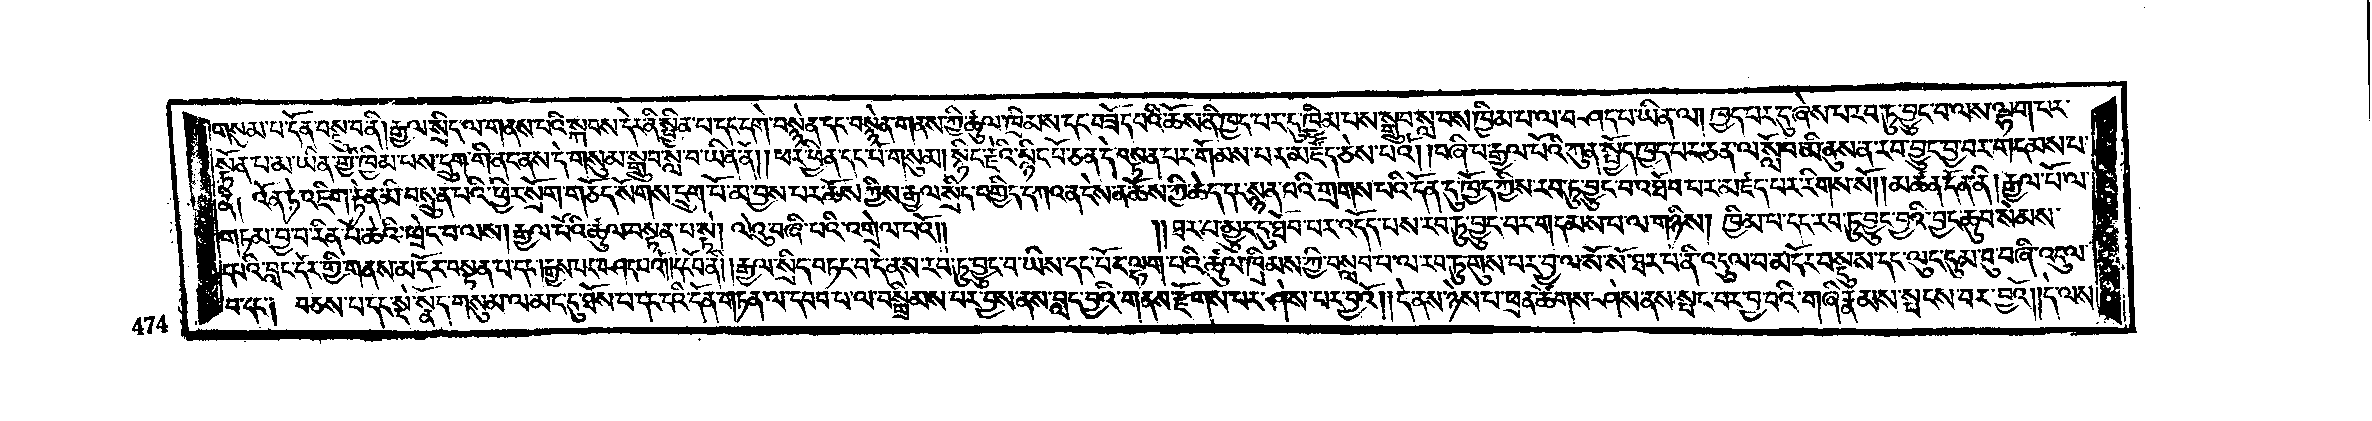གསུམ་པ་དོན་བསྡུ་བ་ནི། རྒྱལ་སྲིད་ལ་གནས་པའི་སྐབས་དེར་ནི་སྦྱིན་པ་དང་དགེ་བསྙེན་དང་བསྙེན་གནས་ཀྱི་ཚུལ་ཁྲིམས་དང་བཟོད་པའི་ཆོས་ནི་ཁྱད་པར་དུ་ཁྱིམ་པས་སྒྲུབ་སླ་བས་ཁྱིམ་པ་ལ་བཤད་པ་ཡིན་ལ། ཁྱད་པར་དུ་ཞེས་པ་རབ་ཏུ་བྱུང་བ་ལས་ལྷག་པར་
སྟོན་པ་མ་ཡིན་གྱི་ཁྱིམ་པས་དྲུག་གི་ནང་ནས་དེ་གསུམ་སྒྲུབ་སླ་བ་ཡིན་ནོ། །ཕར་ཕྱིན་དང་པོ་གསུམ། སྙིང་རྗེའི་སྙིང་པོ་ཅན་དེ་བསྟན་པར་གོམས་པར་མཛོད་ཅེས་པའོ། །བཞི་པ་རྒྱལ་པོའི་ཀུན་སྤྱོད་ཁྱད་པར་ཅན་ལ་སློབ་མི་ནུས་ན་རབ་བྱུང་བྱ་བར་གདོམས་པ་
ནི། འོན་ཏེ་འཇིག་རྟེན་མི་བསྲུན་པའི་ཕྱིར་སྲོག་གཅོད་སོགས་དྲུག་པོ་མ་བྱས་པར་ཆོས་ཀྱིས་རྒྱལ་སྲིད་བགྱིད་དཀའ་ན་ངེས་ན་ཆོས་ཀྱི་ཆེད་དང་སྙན་པའི་གྲགས་པའི་དོན་དུ་ཁྱོད་ཀྱིས་རབ་ཏུ་བྱུང་བ་འཐོབ་པར་མཛད་པར་རིགས་སོ། །མཚན་དོན་ནི། རྒྱལ་པོ་ལ་
གཏམ་བྱ་བ་རིན་པོ་ཆེའི་ཕྲེང་བ་ལས། རྒྱལ་པོའི་ཚུལ་བསྟན་པ་སྟེ། ལེའུ་བཞི་པའི་འགྲེལ་པའོ།། །།ཐར་པ་མྱུར་དུ་ཐོབ་པར་འདོད་པས་རབ་ཏུ་བྱུང་བར་གདམས་པ་ལ་གཉིས། ཁྱིམ་པ་དང་རབ་ཏུ་བྱུང་བྱའི་བྱང་ཆུབ་སེམས་
དཔའི་བླང་དོར་གྱི་གནས་མདོར་བསྟན་པ་དང་། རྒྱས་པར་བཤད་པའོ། །དང་པོ་ནི། རྒྱལ་སྲིད་བཏང་བ་དེ་ནས་རབ་ཏུ་བྱུང་བ་ཡིས་དང་པོར་ལྷག་པའི་ཚུལ་ཁྲིམས་ཀྱི་བསླབ་པ་ལ་རབ་ཏུ་གུས་པར་བྱ་ལ་སོ་སོ་ཐར་པ་ནི་འདུལ་བ་མདོར་བསྡུས་དང་ལུང་དུ་མ་བུ་བཞི་འདུལ་
བ་དང་། བཅས་པ་དང་སྡེ་སྣོད་གསུམ་ལ་མང་དུ་ཐོས་པ་དང་ངའི་དོན་གཏན་ལ་དབབ་པ་ལ་བསྒྲིམས་པར་བྱས་ནས་བླང་བྱའི་གནས་རྫོགས་པར་ཤེས་པར་བྱའོ། །དེ་ནས་ཉེས་པ་ཕྲན་ཚོགས་ཤེས་ནས་སྤང་བར་བྱ་བའི་གཞི་རྣམས་སྤངས་པར་བྱའོ། །དེ་ལས་